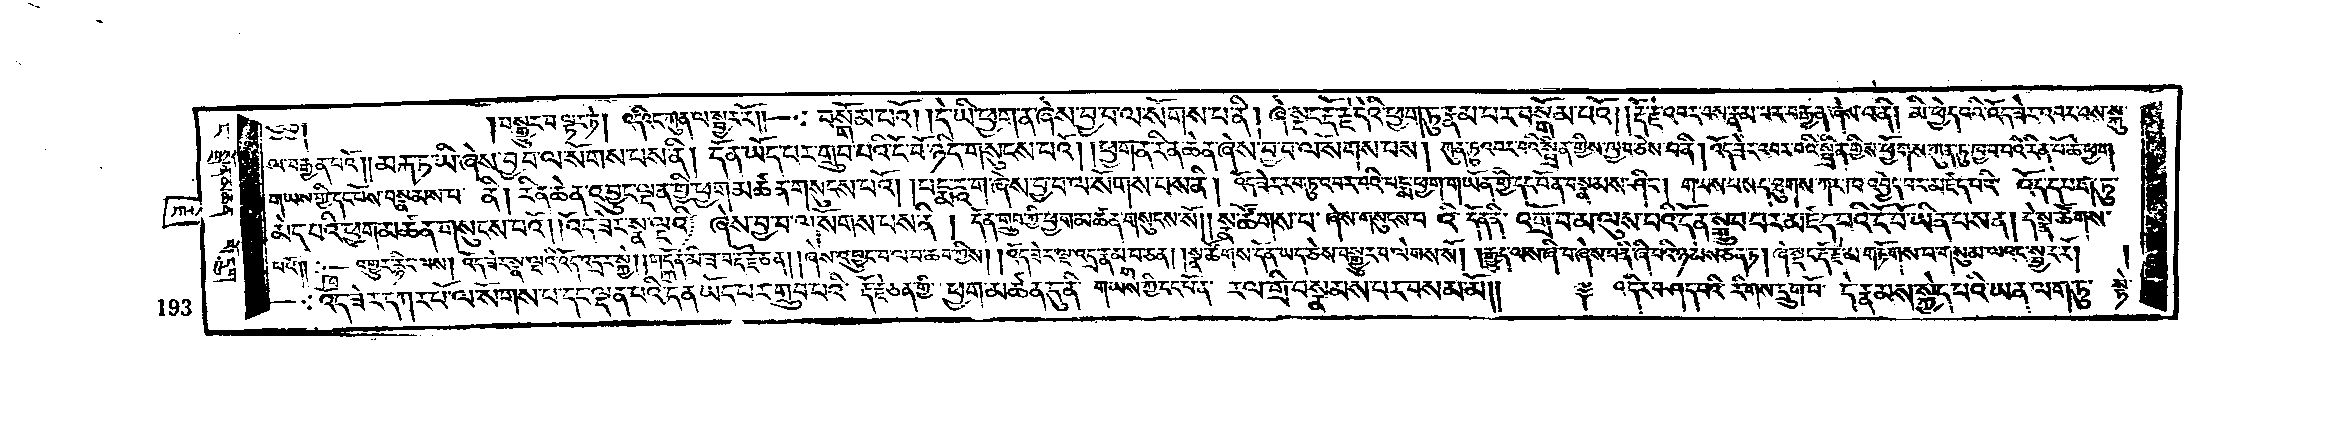༄༅། ། བསྒྱུར་བ་ལྟར་ཏེ། འདིའང་ཀུན་ལ་སྦྱར་རོ།།  བསྒོམ་པའོ། །དེ་ཡི་ཕྱག་ན་ཞེས་བྱ་བ་ལ་སོགས་པ་ནི། ཞེ་སྡང་རྡོ་རྗེ་དེའི་ཕྱག་ཏུ་རྣམ་པར་བསྒོམ་པའོ། །རྡོ་རྗེ་འབར་བས་རྣམ་པར་བརྒྱན་ཞེས་པ་ནི། མི་ཕྱེད་པའི་འོད་ཟེར་འབར་བས་སྐུ་
ལ་བརྒྱན་པའོ། །མརྐ་ཏ་ཡི་ཞེས་བྱ་བ་ལ་སོགས་པས་ནི། དོན་ཡོད་པར་གྲུབ་པའི་ངོ་བོ་ཉིད་གསུངས་པའོ། །ཕྱག་ན་རིན་ཆེན་ཞེས་བྱ་བ་ལ་སོགས་པས། ཀུན་ཏུ་འབར་བའི་སྤྲིན་གྱིས་ཁྱབ་ཅེས་པ་ནི། འོད་ཟེར་འབར་བའི་སྤྲིན་གྱིས་ཕྱོགས་ཀུན་ཏུ་ཁྱབ་པའི་རིན་པོ་ཆེ་ཕྱག་
གཡས་ཀྱི་དང་པོས་བསྣམས་པ་ནི། རིན་ཆེན་འབྱུང་ལྡན་གྱི་ཕྱག་མཚན་གསུངས་པའོ། །པདམ་རཱ་ག་ཞེས་བྱ་བ་ལ་སོགས་པས་ནི། འོད་ཟེར་རབ་ཏུ་འབར་བའི་པདམ་ཕྱག་གཡོན་གྱི་དང་པོ་ན་བསྣམས་ཤིང་། གཡས་པས་ད་ཐུགས་ཀར་ཁ་འབྱེད་པར་མཛད་པའི་འོད་དཔག་ཏུ་
མེད་པའི་ཕྱག་མཚན་གསུངས་པའོ། །འོད་ཟེར་སྣ་ལྔའི་ཞེས་བྱ་བ་ལ་སོགས་པས་ནི། དོན་གྲུབ་ཀྱི་ཕྱག་མཚན་གསུངས་སོ། །སྣ་ཚོགས་པ་ཞེས་གསུངས་པའི་དོན་ནི་འགྲོ་བ་མ་ལུས་པའི་དོན་སྒྲུབ་པར་མཛད་པའི་ངོ་བོ་ཡིན་པས་ན། དེ་སྣ་ཚོགས་
པའོ།། འགྱུར་རྙིང་ལས། འོད་ཟེར་སྣ་ལྔའི་འོད་འདྲར་སྐྱེ། །གདོན་མི་ཟ་བ་རྡོ་རྗེ་ཅན། །ཞེས་འབྱུང་བ་ལ་པ་ཆབ་ཀྱིས། །འོད་ཟེར་ལྔ་འདྲ་རྣམ་ག་པ་ཅན། །སྣ་ཚོགས་དོན་ཡོད་ཅེས་བསྒྱུར་བ་ལེགས་སོ། །རྒྱུད་ལས་ཞི་བ་ཞེས་པ་ནི་ཞི་པའི་ཉམས་ཅན་ཏེ། ཞེ་སྡང་རྡོ་རྗེ་མ་གཏོགས་པ་གསུམ་ལའང་སྦྱོར་རོ། །
ཁ་འོད་ཟེར་དཀར་པོ་ལ་སོགས་པ་དང་ལྡན་པའི་ཀ་དོན་ཡོད་པར་གྲུབ་པའི་རྡོ་རྗེ་ཅན་གྱི་ཕྱག་མཚན་དུ་ནི་ག་གཡས་ཀྱི་དང་པོ་ན་རལ་གྲི་བསྣམས་པར་བསམ་མོ།། ༈ འདིར་བཤད་པའི་རིགས་དྲུག་པོ་དེ་རྣམས་སྐྱེད་པའི་ཡན་ལག་ཏུ་སྟེ་